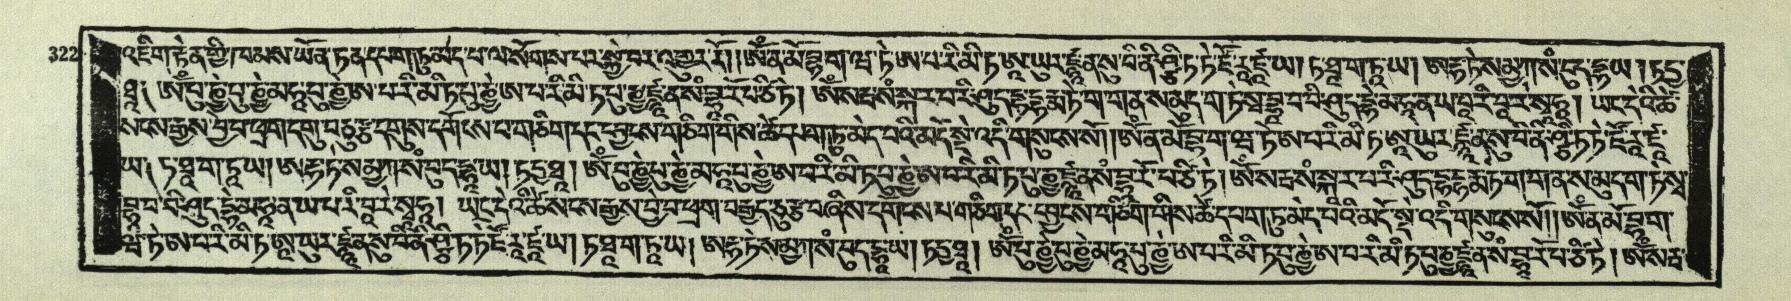འཇིག་རྟེན་གྱི་ཁམས་ཡོན་ཏན་དཔག་ཏུ་མེད་པ་ལ་སོགས་པར་སྐྱེ་བར་འགྱུར་རོ། །ཨོཾ་ན་མོ་བྷ་ག་ཝ་ཏེ་ཨ་པ་རི་མི་ཏ་ཨཱ་ཡུར་ཛྙཱ་ན་སུ་བི་ནི་ཤྩི་ཏ་ཏེ་ཛོ་རཱ་ཛཱ་ཡ། ཏ་ཐཱ་ག་ཏཱ་ཡ། ཨརྷ་ཏེ་སམྱཀ་སཾ་བུད་དྷ་ཡ། ཏདྱ་
ཐཱ༑ ཨོཾ་པུ་ཎྱེ་པུ་ཎྱེ་མཧཱ་པུ་ཎྱེ་ཨ་པ་རི་མ་ཏི་པུ་ཎྱེ་ཨ་པ་རི་མི་ཏ་པུ་ཎྱ་ཛྙཱ་ན་སཾ་བྷཱ་རོ་པ་ཙི་ཏེ། ཨོཾ་སརྦ་སཾ་སྐར་པ་རི་ཤུད་བྷ་དྷརྨ་ཏེ་ག་ག་ན་ས་མུད་ག་ཏེ་སྭ་བྷཱ་བ་བི་ཤུད་དྷེ་མཧཱ་ན་ཡ་བཱ་རི་བཱ་རི་བཱ་རེ་སྭཱ་ཧཱ། ཡང་དེའི་ཚེ་
སངས་རྒྱས་བྱེ་བ་ཕྲག་དགུ་བཅུ་རྩ་དགུས་དགོངས་པ་གཅིག་དང་དབྱངས་གཅིག་གིས་ཚེ་དཔག་ཏུ་མེད་པའི་མདོ་སྡེ་འདི་གསུངས་སོ། །ཨོཾ་ན་མོ་བྷ་ག་ཝ་ཏེ་ཨ་པ་རི་མི་ཏ་ཨཱ་ཡུར་ཛྙཱ་ན་སུ་བི་ནི་ཤྩི་ཏ་ཏེ་ཛོ་རཱ་ཛཱ་
ཡ༑ ཏ་ཐཱ་ག་ཏཱ་ཡ། ཨརྷ་ཏེ་སམྱཀ་སཾ་བུད་དྷཱ་ཡ། ཏདྱ་ཐཱ། ཨོཾ་པུ་ཎྱེ་པུ་ཎྱེ་མཧཱ་པུ་ཎྱེ་ཨ་པ་རི་མི་ཏ་པུ་ཎྱེ་ཨ་པ་རི་མི་ཏ་པུ་ཎྱ་ཛྙཱ་ན་སཾ་བྷཱ་རོ་པ་ཙི་ཏེ། ཨོཾ་སརྦ་སཾ་སྐཱར་པ་རི་ཤུད་དྷ་དྷརྨ་ཏེ་ག་ག་ན་ས་མུད་ག་ཏེ་སྭ་
བྷཱ་བ་བི་ཤུད་དྷེ་མཧཱ་ན་ཡ་པ་རི་བཱ་རེ་སྭཱཧཱ། ཡང་དེའི་ཚེ་སངས་རྒྱས་བྱེ་བ་ཕྲག་བརྒྱད་ཅུ་རྩ་བཞིས་དགོངས་པ་གཅིག་དང་དབྱངས་གཅིག་གིས་ཚེ་དཔག་ཏུ་མེད་པའི་མདོ་སྡེ་འདི་གསུངས་སོ། །ཨོཾ་ན་མོ་བྷ་ག་
ཝ་ཏེ་ཨ་པ་རི་མི་ཏ་ཨཱ་ཡུར་ཛྙཱ་ན་སུ་བི་ནི་ཤྩི་ཏ་ཏེ་ཛོ་རཱ་ཛཱ་ཡ། ཏ་ཐཱ་ག་ཏཱ་ཡ། ཨརྷ་ཏེ་སམྱཀ་སཾ་བུད་དྷཱ་ཡ། ཏདྱ་ཐཱ། ཨོཾ་པུ་ཎྱེ་པུ་ཎྱེ་མཧཱ་པུ་ཎྱེ་ཨ་པ་རི་མི་ཏ་པུ་ཎྱེ་ཨ་པ་རི་མི་ཏ་པུ་ཎྱ་ཛྙཱ་ན་སཾ་བྷཱ་རོ་པ་ཙི་ཏེ། ཨོཾ་སརྦ་